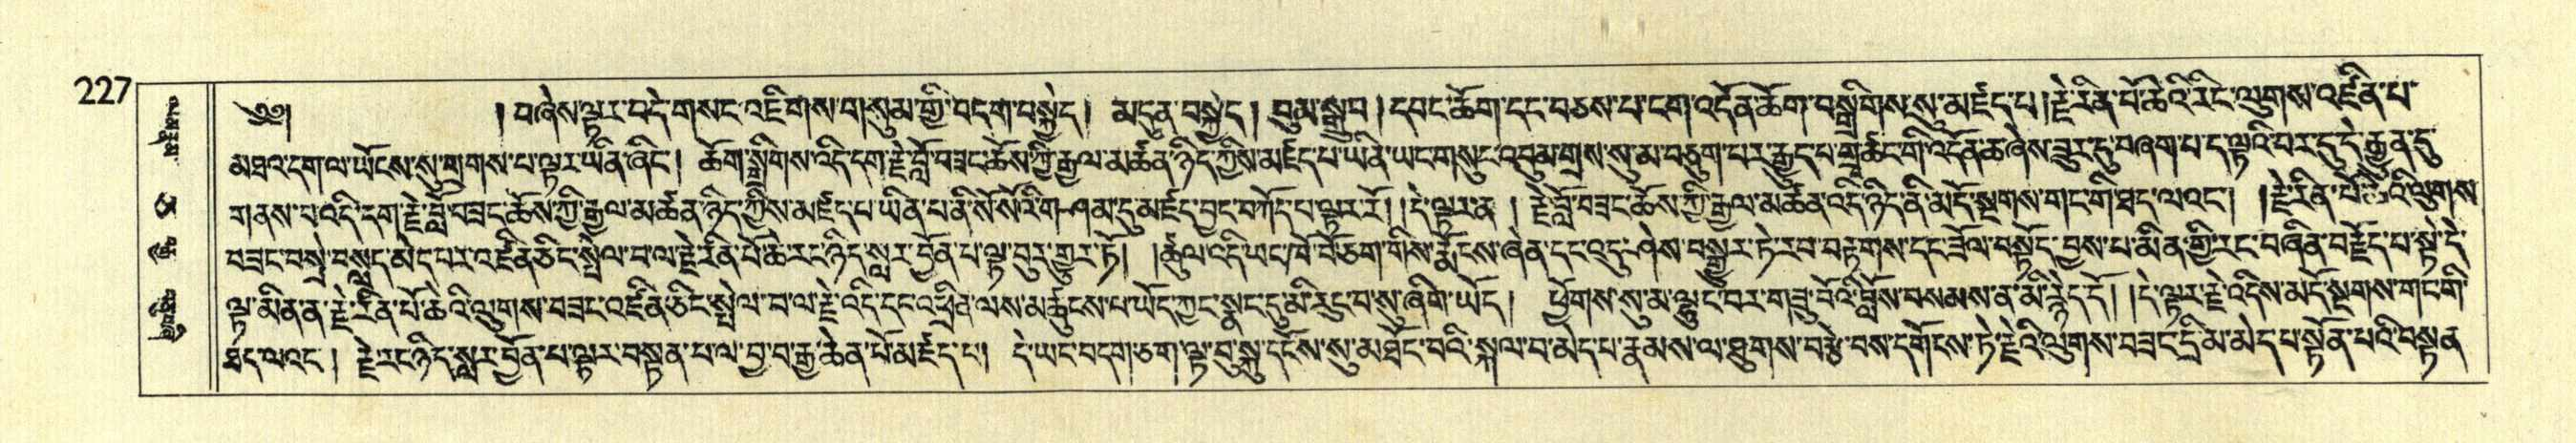༄༅། །བཞེས་ལྟར་བདེ་གསང་འཇིགས་གསུམ་གྱི་བདག་བསྐྱེད། མདུན་བསྐྱེད། བུམ་སྒྲུབ། དབང་ཆོག་དང་བཅས་པ་ངག་འདོན་ཆོག་བསྒྲིགས་སུ་མཛད་པ། རྗེ་རིན་པོ་ཆེའི་རིང་ལུགས་འཛིན་པ་
མཐའ་དག་ལ་ཡོངས་སུ་གྲགས་པ་ལྟར་ཡིན་ཞིང་། ཆོག་སྒྲིགས་འདི་དག་རྗེ་བློ་བཟང་ཆོས་ཀྱི་རྒྱལ་མཚན་ཉིད་ཀྱིས་མཛད་པ་ཡིན་ཡང་གསུང་འབུམ་གྲས་སུ་མ་བཅུག་པར་རྒྱུད་པ་གྲྭ་ཚང་གི་འདོན་ཆ་ཞེས་ཟུར་དུ་བཞག་པ་ད་ལྟའི་བར་དུ་དེ་རྒྱུན་དུ་
གནས་པ་འདི་དག་རྗེ་བློ་བཟང་ཆོས་ཀྱི་རྒྱལ་མཚན་ཉིད་ཀྱིས་མཛད་པ་ཡིན་པ་ནི་སོ་སོའི་གཤམ་དུ་མཛད་བྱང་བཀོད་པ་ལྟར་རོ། །དེ་ལྟར་ན། རྗེ་བློ་བཟང་ཆོས་ཀྱི་རྒྱལ་མཚན་འདི་ཉིད་ནི་མདོ་སྔགས་གང་གི་ཐད་ལའང་། །རྗེ་རིན་པོ་ཆེའི་ལུགས་
བཟང་བསྲེ་བསླད་མེད་པར་འཛིན་ཅིང་སྤེལ་བ་ལ་རྗེ་རིན་པོ་ཆེ་རང་ཉིད་སླར་བྱོན་པ་ལྟ་བུར་གྱུར་ཏོ། །ཚུལ་འདི་ཡང་ཁོ་བོ་ཅག་གིས་རྨོངས་ཞེན་དང་འདུ་ཤེས་བསྒྱུར་ཏེ་རབ་བརྟགས་དང་ཟོལ་བསྟོད་བྱས་པ་མིན་གྱི་རང་བཞིན་བརྗོད་པ་སྟེ་དེ་
ལྟ་མིན་ན་རྗེ་རིན་པོ་ཆེའི་ལུགས་བཟང་འཛིན་ཅིང་སྤེལ་བ་ལ་རྗེ་འདི་དང་འཕྲིན་ལས་མཚུངས་པ་ཡོད་ཀྱང་སྣང་དུ་མི་རུང་བ་སུ་ཞིག་ཡོད། ཕྱོགས་སུ་མ་ལྷུང་བར་གཟུ་བོའི་བློས་བསམས་ན་མི་རྙེད་དོ། །དེ་ལྟར་རྗེ་འདིས་མདོ་སྔགས་གང་གི་
ཐད་ལའང་། རྗེ་རང་ཉིད་སླར་བྱོན་པ་ལྟར་བསྟན་པ་ལ་བྱ་བ་རྒྱ་ཆེན་པོ་མཛད་པ། དེ་ཡང་བདག་ཅག་ལྟ་བུ་སྐུ་དངོས་སུ་མཐོང་བའི་སྐལ་བ་མེད་པ་རྣམས་ལ་ཐུགས་བརྩེ་བས་དགོངས་ཏེ་རྗེའི་ལུགས་བཟང་དྲི་མ་མེད་པ་སྟོན་པའི་བསྟན་